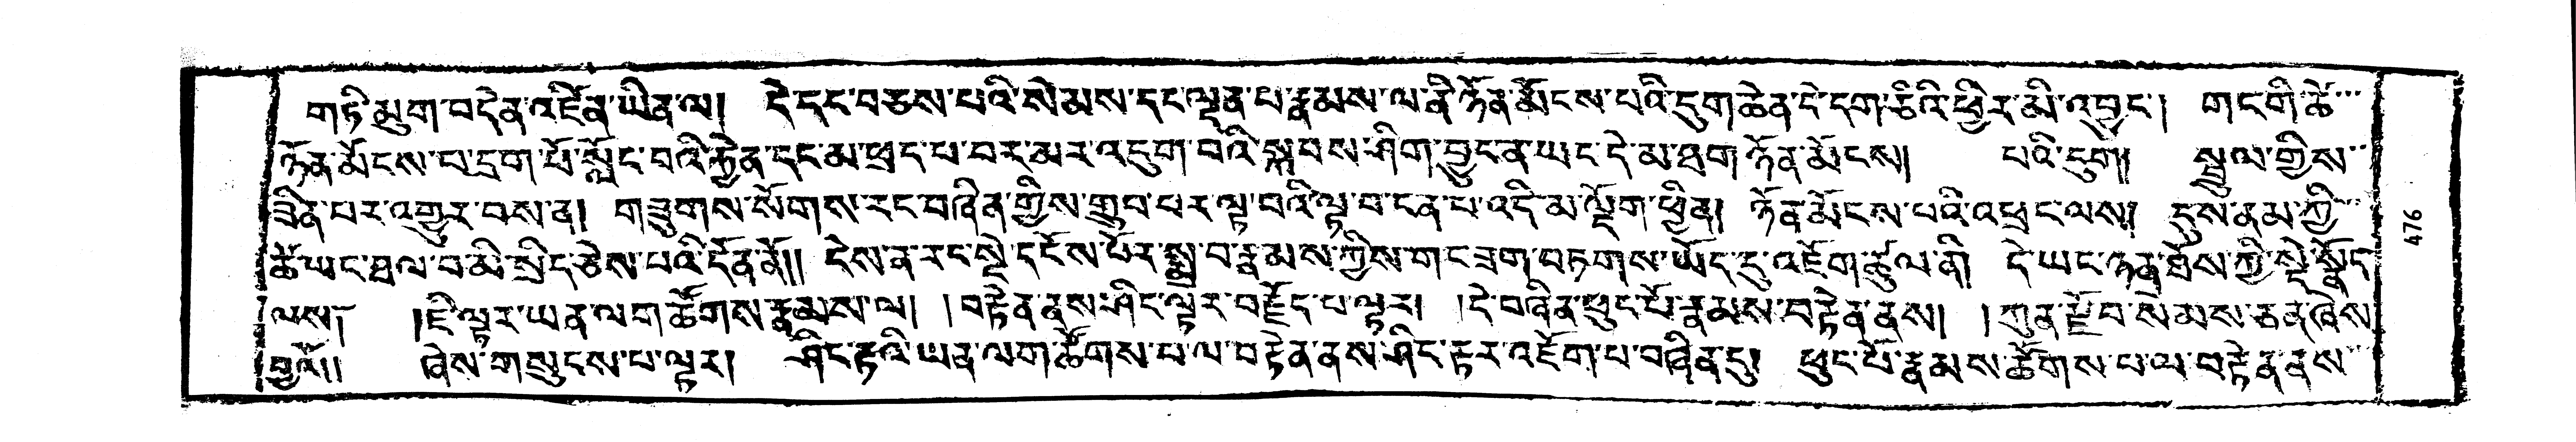གཏི་མུག་བདེན་འཛིན་ཡིན་ལ། དེ་དང་བཅས་པའི་སེམས་དང་ལྡན་པ་རྣམས་ལ་ནི་ཉོན་མོངས་པའི་དུག་ཆེན་དེ་དག་ཅིའི་ཕྱིར་མི་འབྱུང་། གང་གི་ཚེ་
ཉོན་མོངས་པ་དྲག་པོ་སློང་བའི་རྐྱེན་དང་མ་ཕྲད་པ་བར་མར་འདུག་པའི་སྐབས་ཤིག་བྱུང་ན་ཡང་དེ་མ་ཐག་ཉོན་མོངས། པའི་དུག། སྦྲུལ་གྱིས་
ཟིན་པར་འགྱུར་བས་ན། གཟུགས་སོགས་རང་བཞིན་གྱིས་གྲུབ་པར་ལྟ་བའི་ལྟ་བ་ངན་པ་འདི་མ་ལྡོག་ཕྱིན། ཉོན་མོངས་པའི་འཕྲང་ལས། དུས་ནམ་ཀྱི་
ཚེ་ཡང་ཐལ་བ་མི་སྲིད་ཅེས་པའི་དོན་ནོ།། དེས་ན་རང་སྡེ་དངོས་པོར་སྨྲ་བ་རྣམས་ཀྱིས་གང་ཟག་བཏགས་ཡོད་དུ་འཇོག་ཚུལ་ནི། དེ་ཡང་ཉན་ཐོས་ཀྱི་སྡེ་སྣོད་
ལས༑ །ཇི་ལྟར་ཡན་ལག་ཚོགས་རྣམས་ལ། །བརྟེན་ནས་ཤིང་ལྟར་བརྗོད་པ་ལྟར། །དེ་བཞིན་ཕུང་པོ་རྣམས་བརྟེན་ནས། །ཀུན་རྫོབ་སེམས་ཅན་ཞེས་
བྱའོ།། ཞེས་གསུངས་པ་ལྟར། ཤིང་རྟའི་ཡན་ལག་ཚོགས་པ་ལ་བརྟེན་ནས་ཤིང་རྟར་འཇོག་པ་བཞིན་དུ། ཕུང་པོ་རྣམས་ཚོགས་པ་ལ་བརྟེན་ནས་